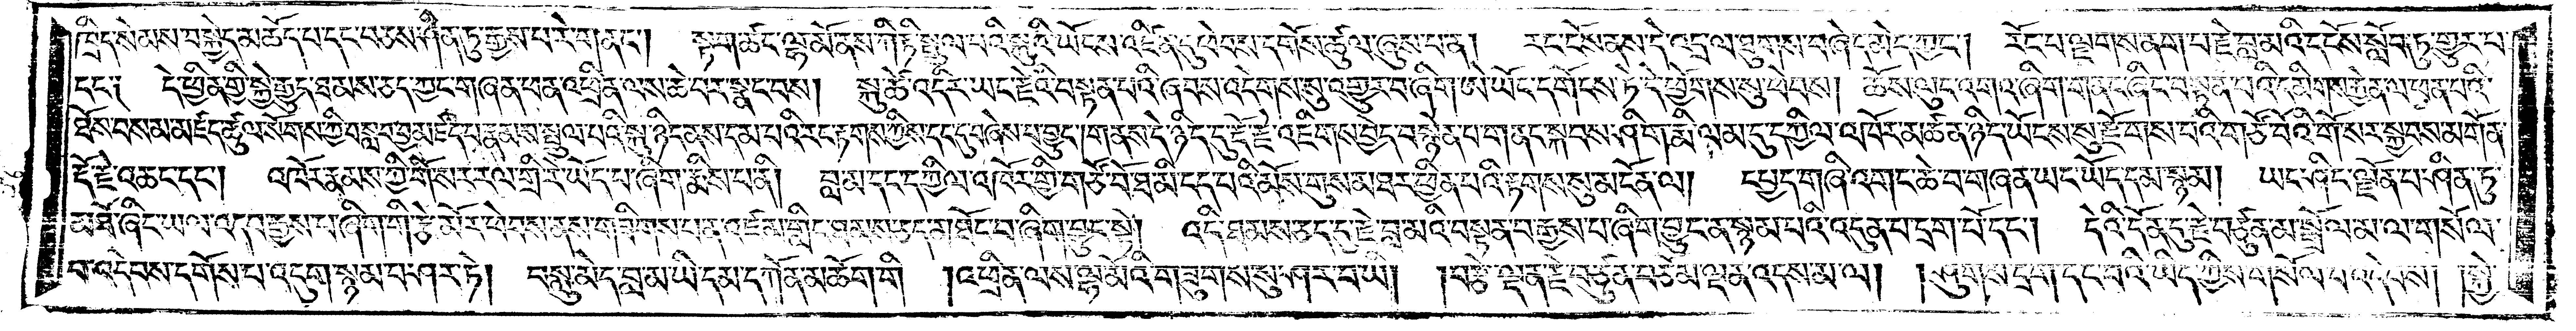ཁྲིད་སེམས་བསྐྱེད་མཆོད་པ་དང་བཅས་ཤིན་ཏུ་རྒྱས་པ་རེ་གནང་། སྟག་ཚང་ལྷ་མོ་ནས་ཀིརྟི་སྤྲུལ་བའི་སྐུའི་ཡོངས་འཛིན་དུ་ཕེབས་དགོས་ཚུལ་ཞུས་པ་ན། རང་ངོས་ནས་དེ་འདྲ་ལ་ཐུགས་བཞེད་མེད་ཀྱང་། རོང་པ་ལྗགས་ནག་བ་རྗེ་བླ་མའི་དངོས་སློབ་ཏུ་གྱུར་པ་
དང༑ དེ་ཕྱིན་གྱི་སྐྱེ་རྒྱུད་ཐམས་ཅད་ཀྱང་གཞན་ཕན་འཕྲིན་ལས་ཆེ་བར་སྣང་བས། སྐུ་ཚེ་འདིར་ཡང་རྗེའི་བསྟན་པའི་ཞབས་འདེགས་སུ་འགྱུར་བ་ཞིག་ཨེ་ཡོད་དགོངས་ཏེ་དེ་ཕྱོགས་སུ་ཕེབས། །ཆོས་ལུང་འགའ་ཞིག་གནང་ཞིང་བསྟན་བའི་དམིགས་རྐྱེན་ལ་ཕན་པའི་
ཐོས་བསམ་མཛད་ཚུལ་སོགས་ཀྱི་བསླབ་བྱ་མཛད་པ་རྣམས་སྤྲུལ་པའི་སྐུ་ཉིད་ནས་དམ་པའི་རང་རྟགས་ཀྱིས་དང་དུ་བཞེས་པ་བྱུང་། གནས་དེ་ཉིད་དུ་རྡོ་རྗེ་འཇིགས་བྱེད་བསྙེན་བ་གནང་སྐབས་ཤིག་མི་ལམ་དུ་དཀྱིལ་འཁོར་མཚན་ཉིད་ཡོངས་སུ་རྫོགས་པའི་གཙོ་བོའི་གོ་སར་སྐྱབས་མགོན་
རྡོ་རྗེ་འཆང་དང་། འཁོར་རྣམས་ཀྱི་གོ་སར་རལ་གྲི་རེ་ཡོད་པ་ཞིག་རྨིས་པ་ནི། བླ་མ་དང་དཀྱིལ་འཁོར་གྱི་གཙོ་བོ་ཐ་མི་དད་པའི་མོས་གུས་མཐར་ཕྱིན་པའི་རྟགས་སུ་མངོན་ལ། དཔྱད་གཞི་འགང་ཆེ་བ་གཞན་ཡང་ཡོད་དམ་སྙམ། ཡང་ཤིང་ལྗོན་བ་ཤིན་ཏུ་
མཐོ་ཞིང་ཡལ་འདབ་རྒྱས་པ་ཞིག་གི་རྩེ་མོར་ཕེབས་ནས་གཟིགས་པན་འཛམ་གླིང་ཐམས་ཅད་མཐོང་བ་ཞིག་བྱུང་སྟེ། འདི་ཐམས་ཅད་དུ་རྗེ་བླ་མའི་བསྟན་པ་རྒྱས་པ་ཞིག་བྱུང་ན་སྙམ་པའི་འདུན་པ་དྲག་པོ་དང་། དེའི་དོན་དུ་རྗེ་བཙུན་མ་སྒྲོལ་མ་ལ་གསོལ་
བ་འདེབས་དགོས་པ་འདུག་སྙམ་བ་ཤར་ཏེ། བསླུ་མེད་བླ་མ་ཡི་དམ་དཀོན་མཆོག་གི །འཕྲིན་ལས་ལྷ་མོའི་གཟུགས་སུ་ཤར་བ་ཡི། །བརྩེ་ལྡན་རྗེ་བཙུན་བཅོམ་ལྡན་འདས་མ་ལ། །ཤུགས་དྲག་དང་བའི་ཡིད་ཀྱིས་གསོལ་བ་འདེབས། །སྐྱེ་